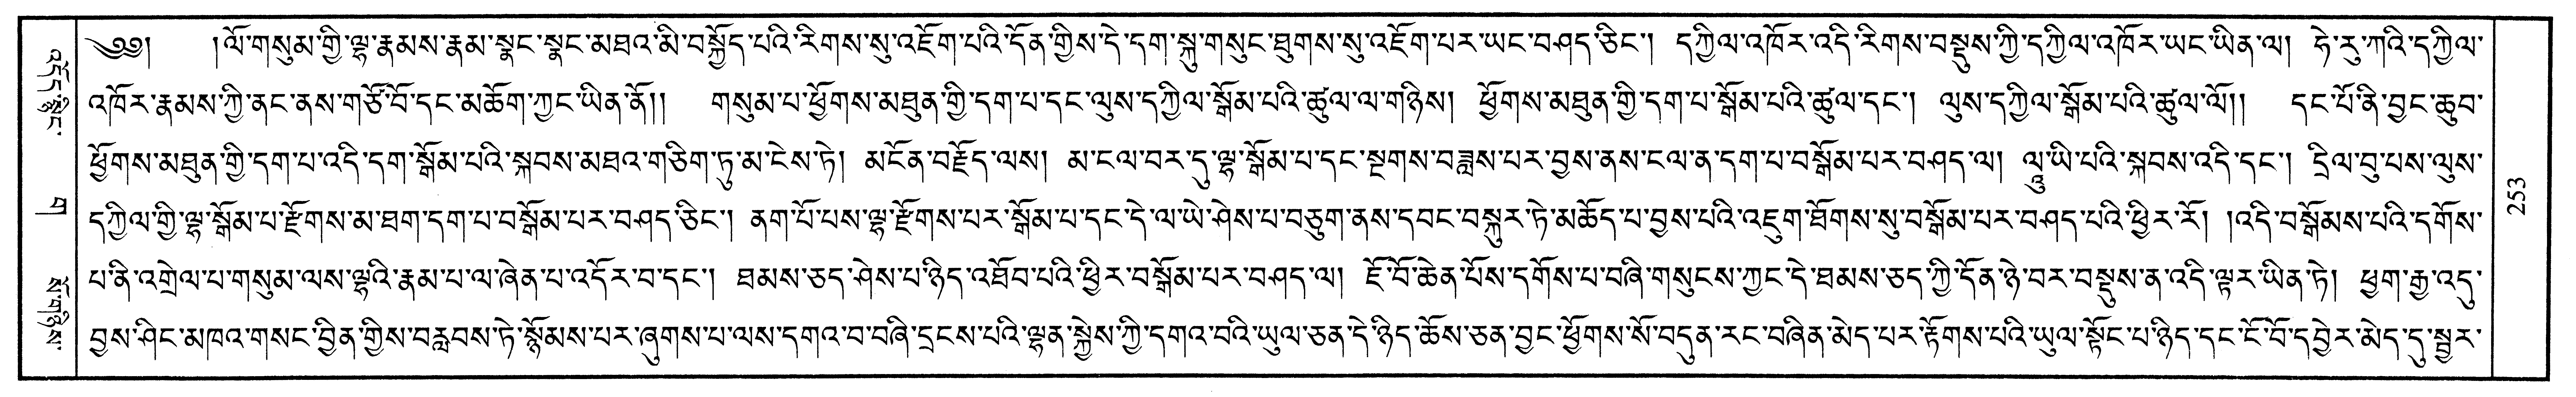༄༅། །ལོ་གསུམ་གྱི་ལྷ་རྣམས་རྣམ་སྣང་མཐའ་མི་བསྐྱོད་པའི་རིགས་སུ་འཇོག་པའི་དོན་གྱིས་དེ་དག་སྐུ་གསུང་ཐུགས་སུ་འཇོག་པར་ཡང་བཤད་ཅིང་། དཀྱིལ་འཁོར་འདི་རིགས་བསྡུས་ཀྱི་དཀྱིལ་འཁོར་ཡང་ཡིན་ལ། ཧེ་རུ་ཀའི་དཀྱིལ་
འཁོར་རྣམས་ཀྱི་ནང་ནས་གཙོ་བོ་དང་མཆོག་ཀྱང་ཡིན་ནོ།། གསུམ་པ་ཕྱོགས་མཐུན་གྱི་དག་པ་དང་ལུས་དཀྱིལ་སྒོམ་པའི་ཚུལ་ལ་གཉིས། ཕྱོགས་མཐུན་གྱི་དག་པ་སྒོམ་པའི་ཚུལ་དང་། ལུས་དཀྱིལ་སྒོམ་པའི་ཚུལ་ལོ།། དང་པོ་ནི་བྱང་ཆུབ་
ཕྱོགས་མཐུན་གྱི་དག་པ་འདི་དག་སྒོམ་པའི་སྐབས་མཐའ་གཅིག་ཏུ་མ་ངེས་ཏེ། མངོན་བརྗོད་ལས། མ་ངལ་བར་དུ་ལྷ་སྒོམ་པ་དང་སྔགས་བཟླས་པར་བྱས་ནས་ངལ་ན་དག་པ་བསྒོམ་པར་བཤད་ལ། ལཱུ་ཡི་པའི་སྐབས་འདི་དང་། དྲིལ་བུ་པས་ལུས་
དཀྱིལ་གྱི་ལྷ་སྒོམ་པ་རྫོགས་མ་ཐག་དག་པ་བསྒོམ་པར་བཤད་ཅིང་། ནག་པོ་པས་ལྷ་རྫོགས་པར་སྒོམ་པ་དང་དེ་ལ་ཡེ་ཤེས་པ་བཅུག་ནས་དབང་བསྐུར་ཏེ་མཆོད་པ་བྱས་པའི་འཇུག་ཐོགས་སུ་བསྒོམ་པར་བཤད་པའི་ཕྱིར་རོ། །འདི་བསྒོམས་པའི་དགོས་
པ་ནི་འགྲེལ་པ་གསུམ་ལས་ལྷའི་རྣམ་པ་ལ་ཞེན་པ་འདོར་བ་དང་། ཐམས་ཅད་ཤེས་པ་ཉིད་འཐོབ་པའི་ཕྱིར་བསྒོམ་པར་བཤད་ལ། ཇོ་བོ་ཆེན་པོས་དགོས་པ་བཞི་གསུངས་ཀྱང་དེ་ཐམས་ཅད་ཀྱི་དོན་ཉེ་བར་བསྡུས་ན་འདི་ལྟར་ཡིན་ཏེ། ཕྱག་རྒྱ་འདུ་
བྱས་ཤིང་མཁའ་གསང་བྱིན་གྱིས་བརླབས་ཏེ་སྙོམས་པར་ཞུགས་པ་ལས་དགའ་བ་བཞི་དྲངས་པའི་ལྷན་སྐྱེས་ཀྱི་དགའ་བའི་ཡུལ་ཅན་དེ་ཉིད་ཆོས་ཅན་བྱང་ཕྱོགས་སོ་བདུན་རང་བཞིན་མེད་པར་རྟོགས་པའི་ཡུལ་སྟོང་པ་ཉིད་དང་ངོ་བོ་དབྱེར་མེད་དུ་སྦྱར་